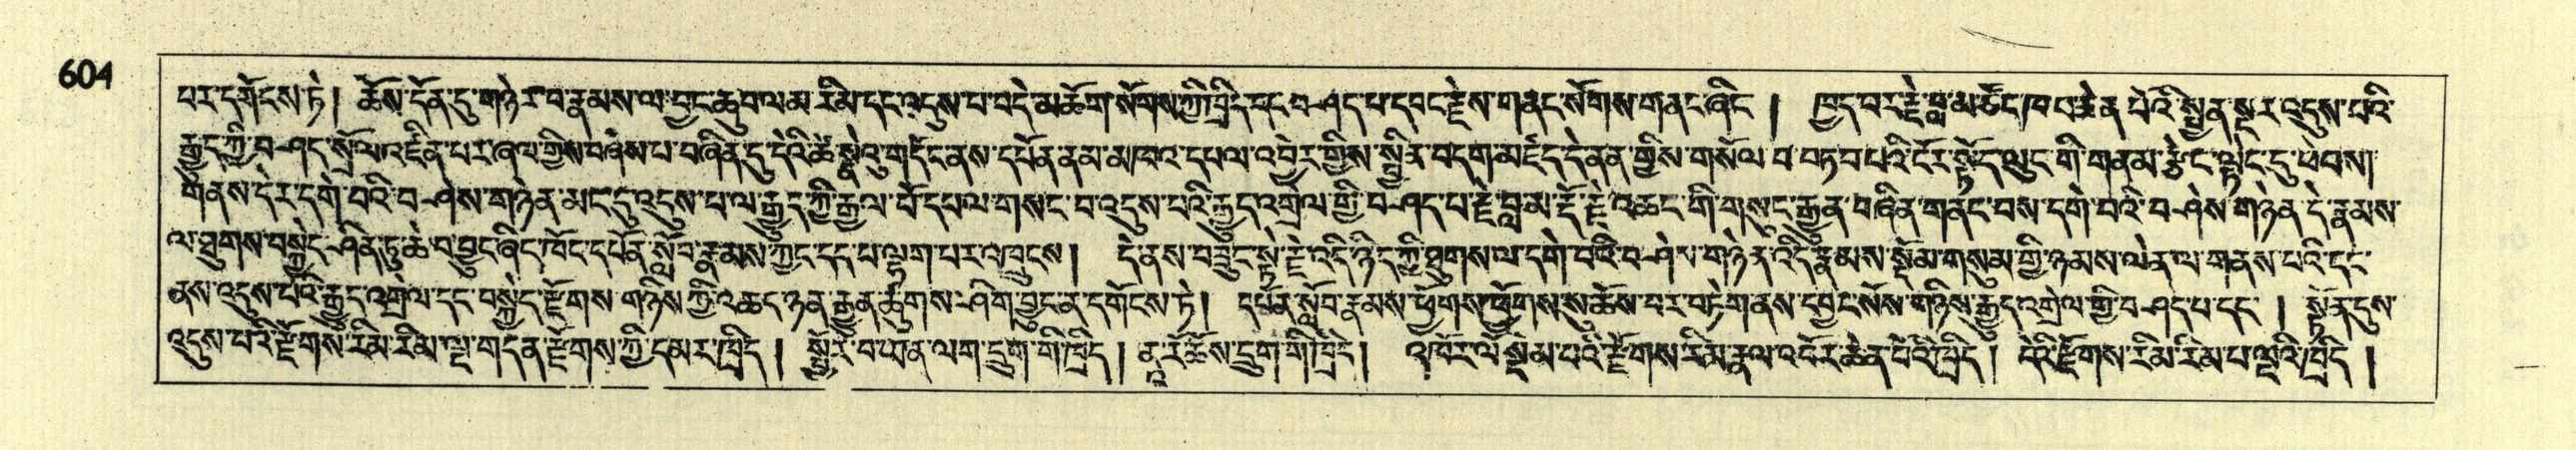པར་དགོངས་ཏེ། ཆོས་དོན་དུ་གཉེར་བ་རྣམས་ལ་བྱང་ཆུབ་ལམ་རིམ་དང་འདུས་པ་བདེ་མཆོག་སོགས་ཀྱི་ཁྲིད་དང་བཤད་པ་དབང་རྗེས་གནང་སོགས་གནང་ཞིང་། ཁྱད་པར་རྗེ་བླ་མ་ཙོང་ཁ་བ་ཆེན་པོའི་སྤྱན་སྔར་འདུས་པའི་
རྒྱུད་ཀྱི་བཤད་སྲོལ་འཛིན་པར་ཞལ་གྱིས་བཞེས་པ་བཞིན་དུ་དེའི་ཚེ་སྣེའུ་གདོང་ནས་དཔོན་ནམ་མཁའ་དཔལ་འབྱེར་གྱིས་སྦྱིན་བདག་མཛད་དེ་ནན་གྱིས་གསོལ་བ་བཏབ་པའི་ངོར་སྟོད་ལུང་གི་གནམ་རྩེང་ལྟེང་དུ་ཕེབས།
གནས་དེར་དགེ་བའི་བཤེས་གཉེན་མང་དུ་འདུས་པ་ལ་རྒྱུད་ཀྱི་རྒྱལ་པོ་དཔལ་གསང་བ་འདུས་པའི་རྒྱུད་འགྲེལ་གྱི་བཤད་པ་རྗེ་བླ་མ་རྡོ་རྗེ་འཆང་གི་གསུང་རྒྱུན་བཞིན་གནང་བས་དགེ་བའི་བཤེས་གཉེན་དེ་རྣམས་
ལ་ཐུགས་བསྐྱེད་ཤིན་ཏུ་ཆེ་བ་བྱུང་ཞིང་ཁོང་དཔོན་སློབ་རྣམས་ཀྱང་དད་པ་ལྷག་པར་འཁྲུངས། དེ་ནས་བཟུང་སྟེ་རྗེ་འདི་ཉིད་ཀྱི་ཐུགས་ལ་དགེ་བའི་བཤེས་གཉེན་འདི་རྣམས་སྡོམ་གསུམ་གྱི་ཉམས་ལེན་ལ་གནས་པའི་དང་
ནས་འདུས་པའི་རྒྱུད་འགྲེལ་དང་བསྐྱེད་རྫོགས་གཉིས་ཀྱི་འཆད་ཉན་རྒྱུན་ཚུགས་ཤིག་བྱུང་ན་དགོངས་ཏེ། དཔོན་སློབ་རྣམས་ཕྱོགས་ཕྱོགས་སུ་ཆོས་བར་བཏེག་ནས་དབྱང་སོས་གཉིས་རྒྱུད་འགྲེལ་གྱི་བཤད་པ་དང་། སྟོན་དུས་
འདུས་པའི་རྫོགས་རིམ་རིམ་ལྔ་གདན་རྫོགས་ཀྱི་དམར་ཁྲིད། སྤྱོར་བ་ཡོན་ལག་དྲུག་གི་ཁྲིད། ནཱ་རོ་ཆོས་དྲུག་གི་ཁྲིད། འཁོར་ལོ་སྡོམ་པའི་རྫོགས་རིམ་རྣལ་འབོར་ཆེན་པོའི་ཁྲིད། དེའི་རྫོགས་རིམ་རིམ་པ་ལྔའི་ཁྲིད།